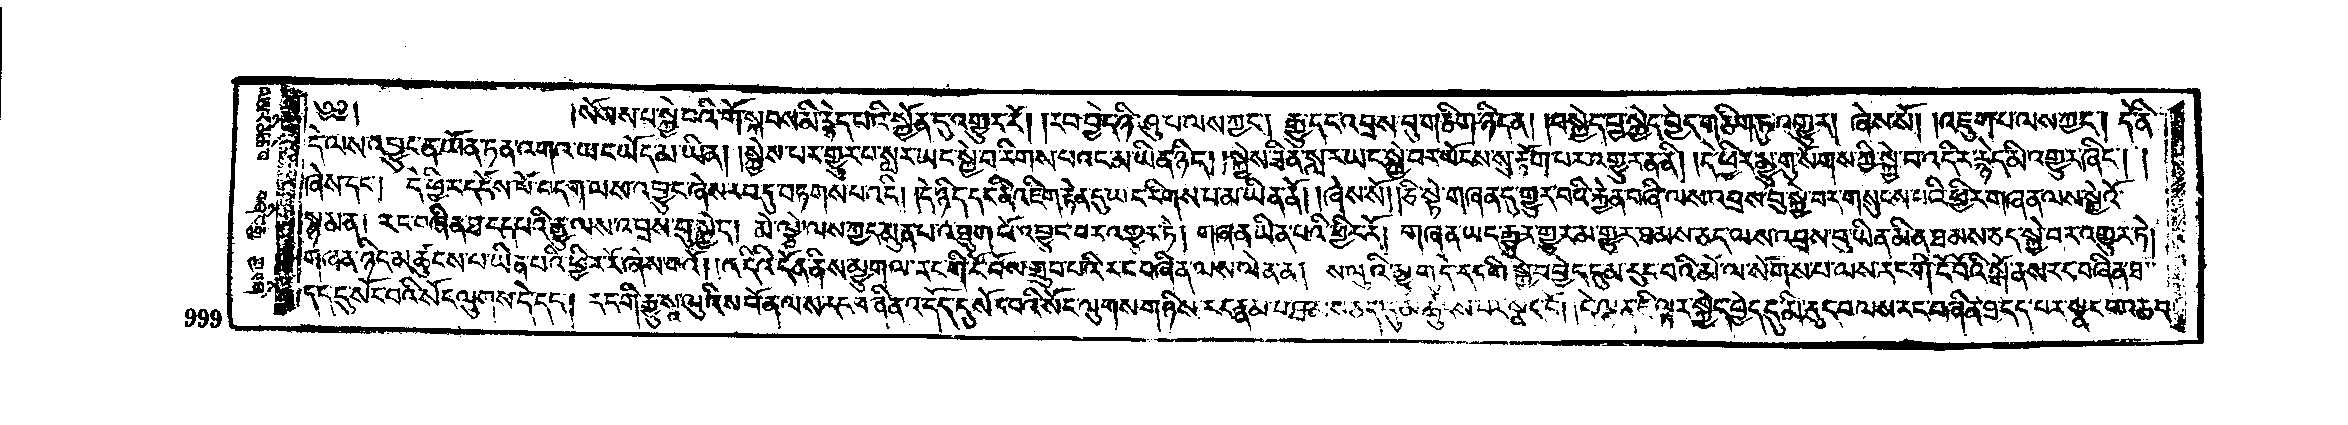༄༅། །སོགས་པ་སྐྱེ་བའི་གོ་སྐབས་མི་རྙེད་པའི་སྐྱོན་དུ་འགྱུར་རོ། །རབ་བྱེད་ཉི་ཤུ་པ་ལས་ཀྱང་། རྒྱུ་དང་འབྲས་བུ་གཅིག་ཉིད་ན། །བསྐྱེད་བྱ་སྐྱེད་བྱེད་གཅིག་ཏུ་འགྱུར། །ཞེས་སོ། །འཇུག་པ་ལས་ཀྱང་། དེ་ནི་
དེ་ལས་འབྱུང་ན་ཡོན་ཏན་འགའ་ཡང་ཡོད་མ་ཡིན། །སྐྱེས་པར་གྱུར་པ་སླར་ཡང་སྐྱེ་བ་རིགས་པའང་མ་ཡིན་ཉིད། །སྐྱེས་ཟིན་སླར་ཡང་སྐྱེ་བར་ཡོངས་སུ་རྟོག་པར་འགྱུར་ན་ནི། །དེ་ཕྱིར་མྱུ་གུ་སོགས་ཀྱི་སྐྱེ་བ་འདིར་རྙེད་མི་འགྱུར་ཞིང་། །
ཞེས་དང་། དེ་ཕྱིར་དངོས་པོ་བདག་ལས་འབྱུང་ཞེས་རབ་ཏུ་བཏགས་པ་འདི། །དེ་ཉིད་དང་ནི་འཇིག་རྟེན་དུ་ཡང་རིགས་པ་མ་ཡིན་ནོ། །ཞེས་སོ། །ཅི་སྟེ་གཞན་དུ་གྱུར་པའི་རྐྱེན་བཞི་ལས་འབྲས་བུ་སྐྱེ་བར་གསུངས་པའི་ཕྱིར་གཞན་ལས་སྐྱེའོ་
སྙམ་ན། རང་བཞིན་ཐ་དད་པའི་རྒྱུ་ལས་འབྲས་བུ་སྐྱེ་ན། མེ་ལྕེ་ལས་ཀྱང་མུན་པ་འཐུག་པོ་འབྱུང་བར་འགྱུར་ཏེ། གཞན་ཡིན་པའི་ཕྱིར་རོ། །གཞན་ཡང་རྒྱུར་གྱུར་མ་གྱུར་ཐམས་ཅད་ལས་འབྲས་བུ་ཡིན་མིན་ཐམས་ཅད་སྐྱེ་བར་འགྱུར་ཏེ།
གཞན་ཉིད་མཚུངས་པ་ཡིན་པའི་ཕྱིར་རོ་ཞེས་པའོ། །འདིའི་དོན་ནི་ས་མྱུག་ལ་རང་གི་ངོ་བོས་གྲུབ་པའི་རང་བཞིན་ཁས་ལེན་ན། ས་ལུའི་མྱུ་གུ་དེ་རང་གི་སྐྱེད་བྱེད་དུ་མི་རུང་བའི་མེ་ལ་སོགས་པ་ལས་རང་གི་ངོ་བོའི་སྒོ་ནས་རང་བཞིན་ཐ་
དད་དུ་སོང་བའི་སོང་ལུགས་དེ་དང་། རང་གི་རྒྱུ་ས་ལུའི་ས་བོན་ལས་རང་བཞིན་ཐ་དད་དུ་སོང་བའི་སོང་ལུགས་གཉིས་ཆར་རྣམ་པ་ཐམས་ཅད་དུ་མཚུངས་པར་སྣང་ངོ། །དེ་ལྟ་ན་ཇི་ལྟར་སྐྱེད་བྱེད་དུ་མི་རུང་བ་ལས་རང་བཞིན་ཐ་དད་པར་སྣང་བ་འཆར་